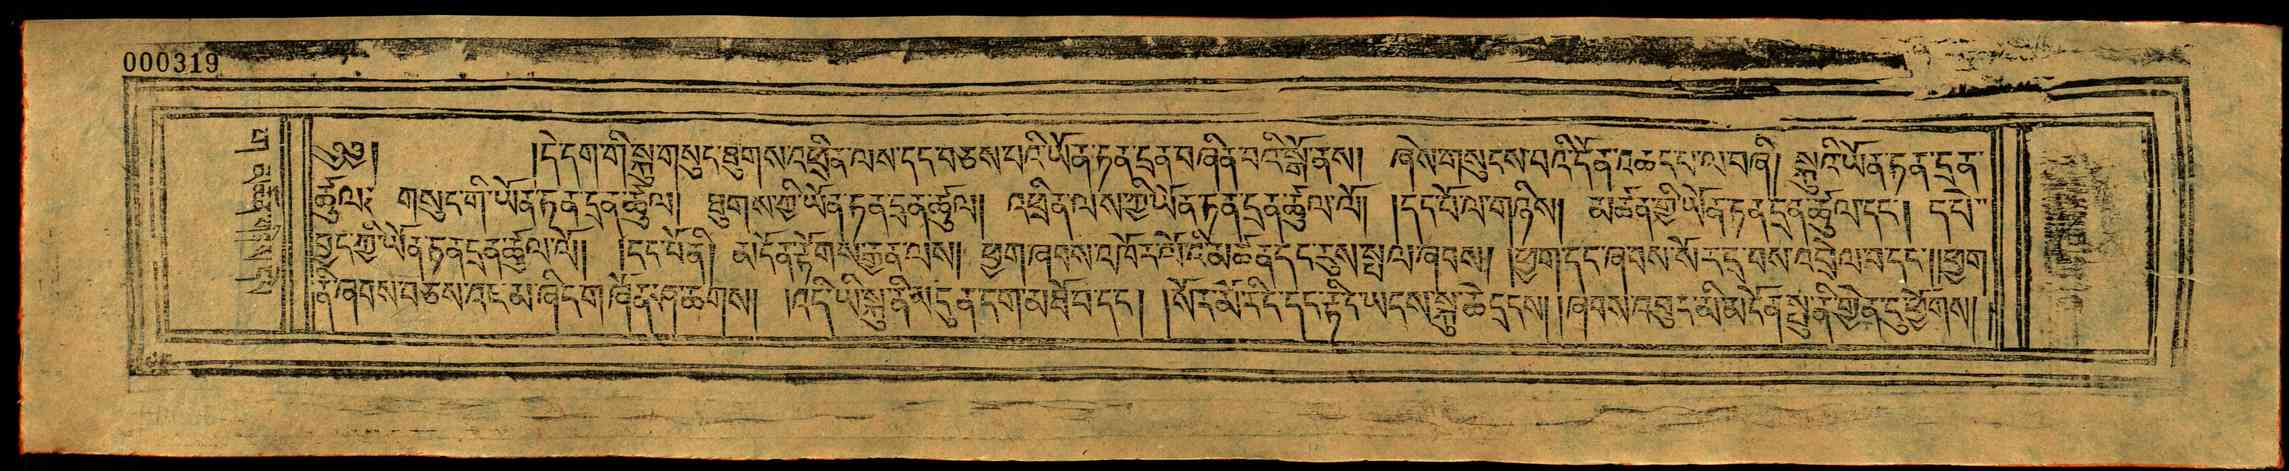༄༅། །དེ་དག་གི་སྐུ་གསུང་ཐུགས་འཕྲིན་ལས་དང་བཅས་པའི་ཡོན་ཏན་དྲན་བཞིན་པའི་སྒོ་ནས། ཞེས་གསུངས་པའི་དོན་འཆད་པ་ལ་བཞི། སྐུའི་ཡོན་ཏན་དྲན་
ཚུལ། གསུང་གི་ཡོན་ཏན་དྲན་ཚུལ། ཐུགས་ཀྱི་ཡོན་ཏན་དྲན་ཚུལ། འཕྲིན་ལས་ཀྱི་ཡོན་ཏན་དྲན་ཚུལ་ལོ། །དང་པོ་ལ་གཉིས། མཚན་གྱི་ཡོན་ཏན་དྲན་ཚུལ་དང་། དཔེ་
བྱང་ཀྱི་ཡོན་ཏན་དྲན་ཚུལ་ལོ། །དང་པོ་ནི། མངོན་རྟོགས་རྒྱན་ལས། ཕྱག་ཞབས་འཁོར་ལོའི་མཚན་དང་རུས་སྦལ་ཞབས། །ཕྱག་དང་ཞབས་སོར་དྲ་བས་འབྲེལ་བ་དང་། །ཕྱག་
ནི་ཞབས་བཅས་འཇམ་ཞིང་གཞོན་ཤ་ཆགས། །འདི་ཡི་སྐུ་ནི་བདུན་དག་མཐོ་བ་དང་། །སོར་མོ་རིང་དང་རྟིང་ཡངས་སྐུ་ཆེ་དྲངས། །ཞབས་འབུར་མི་མངོན་སྤུ་ནི་གྱེན་དུ་ཕྱོགས། །